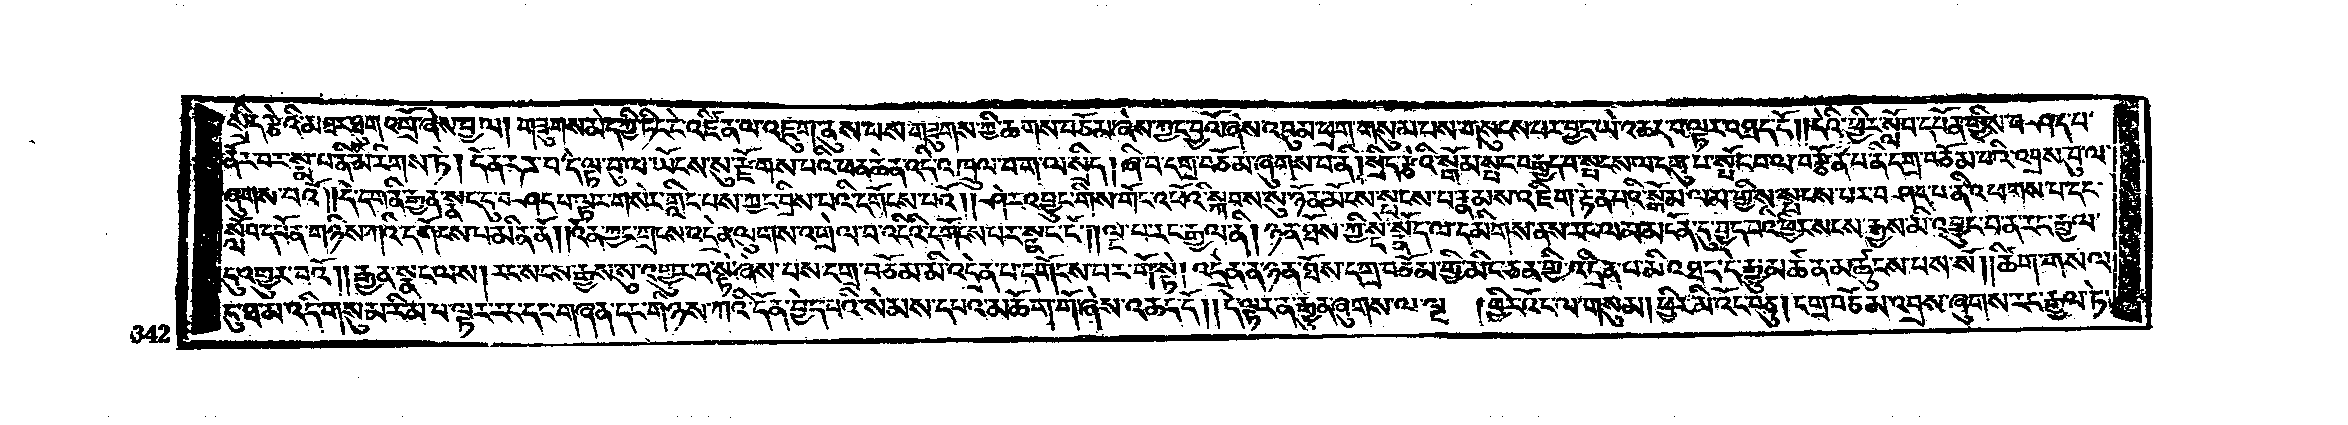སྲིད་རྩེའི་མཐར་ཐུག་འགྲོ་ཞེས་བྱ་ལ། གཟུགས་མེད་ཀྱི་ཏིང་ངེ་འཛིན་ལ་འཇུག་ནུས་པས་གཟུགས་ཀྱི་ཆགས་བཅོམ་ཞེས་ཀྱང་བྱའོ་ཞེས་འབུམ་ཕྲག་གསུམ་པས་གསུངས་པར་བྱེད་ཡི་འཆད་པ་ལྟར་འཐད་དོ། །དེའི་ཕྱིར་སློབ་དཔོན་གྱིས་བཤད་པ་
ནོར་བར་སྨ་བ་ནི་མི་རིགས་ཏེ། དོན་རགས་པ་དེ་ལྟ་བུ་ལ་ཡོངས་སུ་རྫོགས་པའི་ཕན་ཆེན་འདི་འཁྲུལ་པ་ག་ལ་སྲིད། ཞི་བ་དགྲ་བཅོམ་ཞུགས་པ་ནི། སྲིད་རྩེའི་སྒོམ་སྤང་བརྒྱད་པ་སྤངས་ལ་དགུ་པ་སྤོང་བ་ལ་བརྩོན་པ་ནི་དགྲ་བཅོམ་པའི་འབྲས་བུ་ལ་
ཞུགས་པའོ། །དེ་དག་ནི་རྒྱན་སྣང་དུ་བཤད་པ་ལྟར་གསེར་གླིང་པས་ཀྱང་བྲིས་པའི་དགོངས་པའོ། །ཤེར་འབྱུང་གིས་གོང་འཕོའི་སྐབས་སུ་ཉོན་མོངས་སྤངས་པ་རྣམས་འཇིག་རྟེན་པའི་སྒོམ་ལམ་གྱིས་སྤངས་པར་བཤད་པ་ནི་འཕགས་པ་དང་
སློབ་དཔོན་གཉིས་ཀའི་དགོངས་པ་མིན་ནོ། །འོན་ཀྱང་གྲངས་འདྲེན་ལུགས་འགྲེལ་བ་འདིའི་དགོངས་པར་སྣང་ངོ། །ལྔ་པ་རང་རྒྱལ་ནི། ཉན་ཐོས་ཀྱི་སྡེ་སྣོད་ལ་དམིགས་ནས་རང་ལམ་མངོན་དུ་བྱེད་པའི་ཕྱིར་སངས་རྒྱས་མི་འབྱུང་བ་ན་རང་རྒྱལ་
དུ་འགྱུར་བའོ། །རྒྱན་སྣང་ལས། རང་སངས་རྒྱས་སུ་འགྱུར་བ་སྟེ་ཞེས་པས་དགྲ་བཅོམ་མི་འདྲེན་པ་དགོངས་པར་གོ་སྟེ། འདྲེན་ན་ཉན་ཐོས་དགྲ་བཅོམ་གྱི་མིང་ཅན་གྱི་འདྲེན་པ་མམ་འཐད་དེ་རྒྱུ་མཚན་མཚུངས་པས་སོ། །ཚིག་གསལ་
དུ་ཐ་མ་འདི་གསུམ་རིམ་པ་ལྟར་རང་དང་གཞན་དང་གཉིས་ཀའི་དོན་བྱེད་པའི་སེམས་དཔའ་མཆོག་གོ་ཞེས་འཆད་དོ། །དེ་ལྟར་ན་རྒྱུན་ཞུགས་ལ་ལྔ། ཕྱིར་འོང་ལ་གསུམ། ཕྱིར་མི་འོང་བཅུ། དགྲ་བཅོམ་འབྲས་ཞུགས་རང་རྒྱལ་ཏེ་